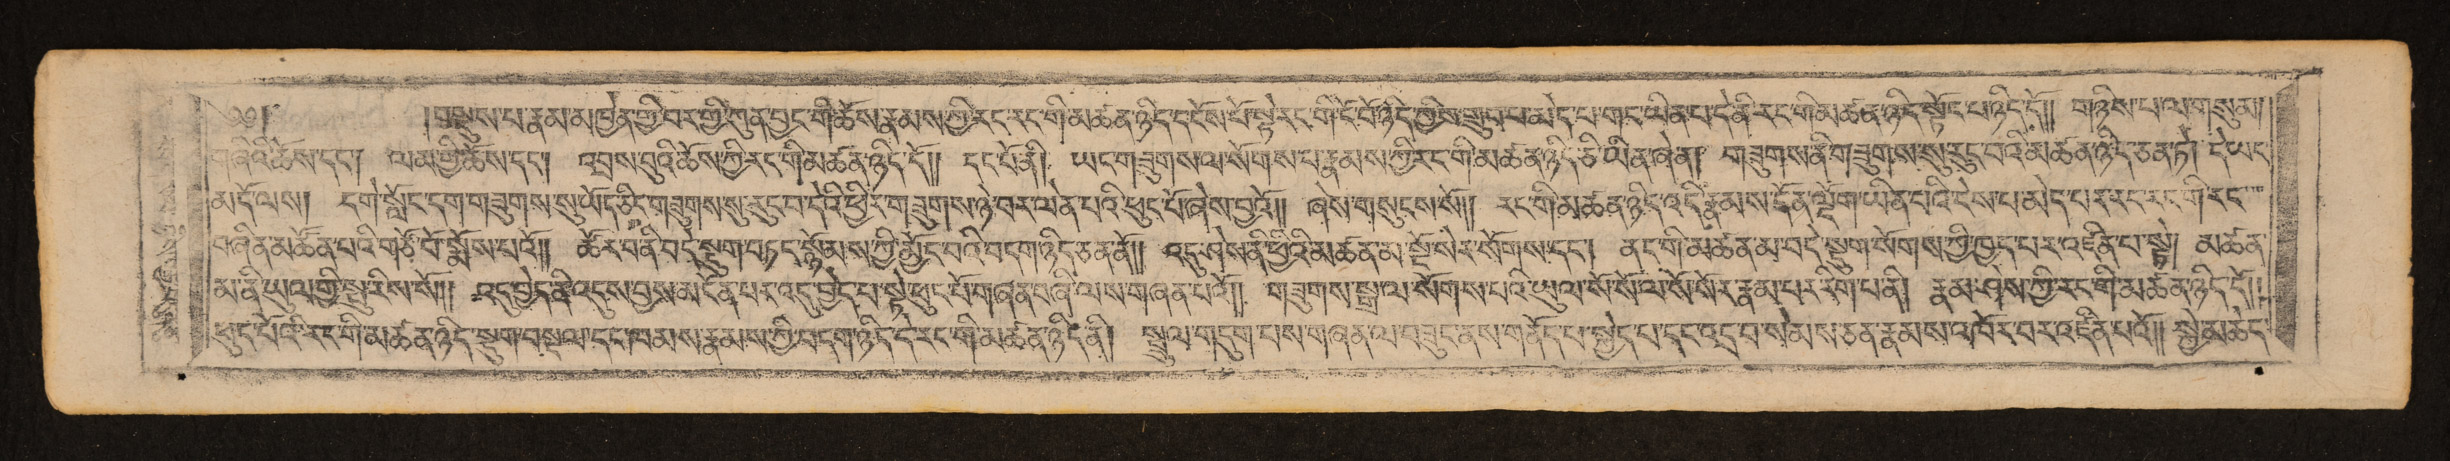༄༅། །བསྡུས་པ་རྣམ་མཁྱེན་གྱི་བར་གྱི་ཀུན་བྱང་གི་ཆོས་རྣམས་ཀྱི་རང་རང་གི་མཚན་ཉིད་དངོས་པོ་སྟེ་རང་གི་ངོ་བོ་ཉིད་ཀྱིས་གྲུབ་པ་མེད་པ་གང་ཡིན་པ་དེ་ནི་རང་གི་མཚན་ཉིད་སྟོང་པ་ཉིད་དོ།། གཉིས་པ་ལ་གསུམ།
གཞིའི་ཆོས་དང་། ལམ་གྱི་ཆོས་དང་། འབྲས་བུའི་ཆོས་ཀྱི་རང་གི་མཚན་ཉིད་དོ།། དང་པོ་ནི། ཡང་གཟུགས་ལ་སོགས་པ་རྣམས་ཀྱི་རང་གི་མཚན་ཉིད་ཅི་ཡིན་ཞེ་ན། གཟུགས་ནི་གཟུགས་སུ་རུང་བའི་མཚན་ཉིད་ཅན་ཏེ། དེ་ཡང་
མདོ་ལས། དགེ་སློང་དག་གཟུགས་སུ་ཡོད་ཅིང་གཟུགས་སུ་རུང་བ་དེའི་ཕྱིར་གཟུགས་ཉེ་བར་ལེན་པའི་ཕུང་པོ་ཞེས་བྱའོ།། ཞེས་གསུངས་སོ།། རང་གི་མཚན་ཉིད་འདི་རྣམས་དོན་ལྡོག་ཡིན་པའི་ངེས་པ་མེད་པར་རང་རང་གི་རང་
བཞིན་མཚོན་པའི་གཙོ་བོ་སྨོས་པའོ།། ཚོར་བ་ནི་བདེ་སྡུག་བཏང་སྙོམས་ཀྱི་མྱོང་བའི་བདག་ཉིད་ཅན་ནོ།། འདུ་ཤེས་ནི་ཕྱིའི་མཚན་མ་སྔོ་སེར་སོགས་དང་། ནང་གི་མཚན་མ་བདེ་སྡུག་སོགས་ཀྱི་ཁྱད་པར་འཛིན་པ་སྟེ། མཚན་
མ་ནི་ཡུལ་གྱི་སྤུ་རིས་སོ།། འདུ་བྱེད་ནི་འདུས་བྱས་མངོན་པར་འདུ་བྱེད་པ་སྟེ་ཕུང་པོ་གཞན་བཞི་ལས་གཞན་པའོ།། གཟུགས་སྒྲ་ལ་སོགས་པའི་ཡུལ་སོ་སོ་ལ་སོ་སོར་རྣམ་པར་རིག་པ་ནི། རྣམ་ཤེས་ཀྱི་རང་གི་མཚན་ཉིད་དོ།།
ཕུང་པོའི་རང་གི་མཚན་ཉིད་སྡུག་བསྔལ་དང་ཁམས་རྣམས་ཀྱི་བདག་ཉིད་དེ་རང་གི་མཚན་ཉིད་ནི། སྦྲུལ་གདུག་པས་གཞན་ལ་བཟུང་ནས་གནོད་པ་སྐྱེད་པ་དང་འདྲ་བ་སེམས་ཅན་རྣམས་འཁོར་བར་འཛིན་པའོ།། སྐྱེ་མཆེད་